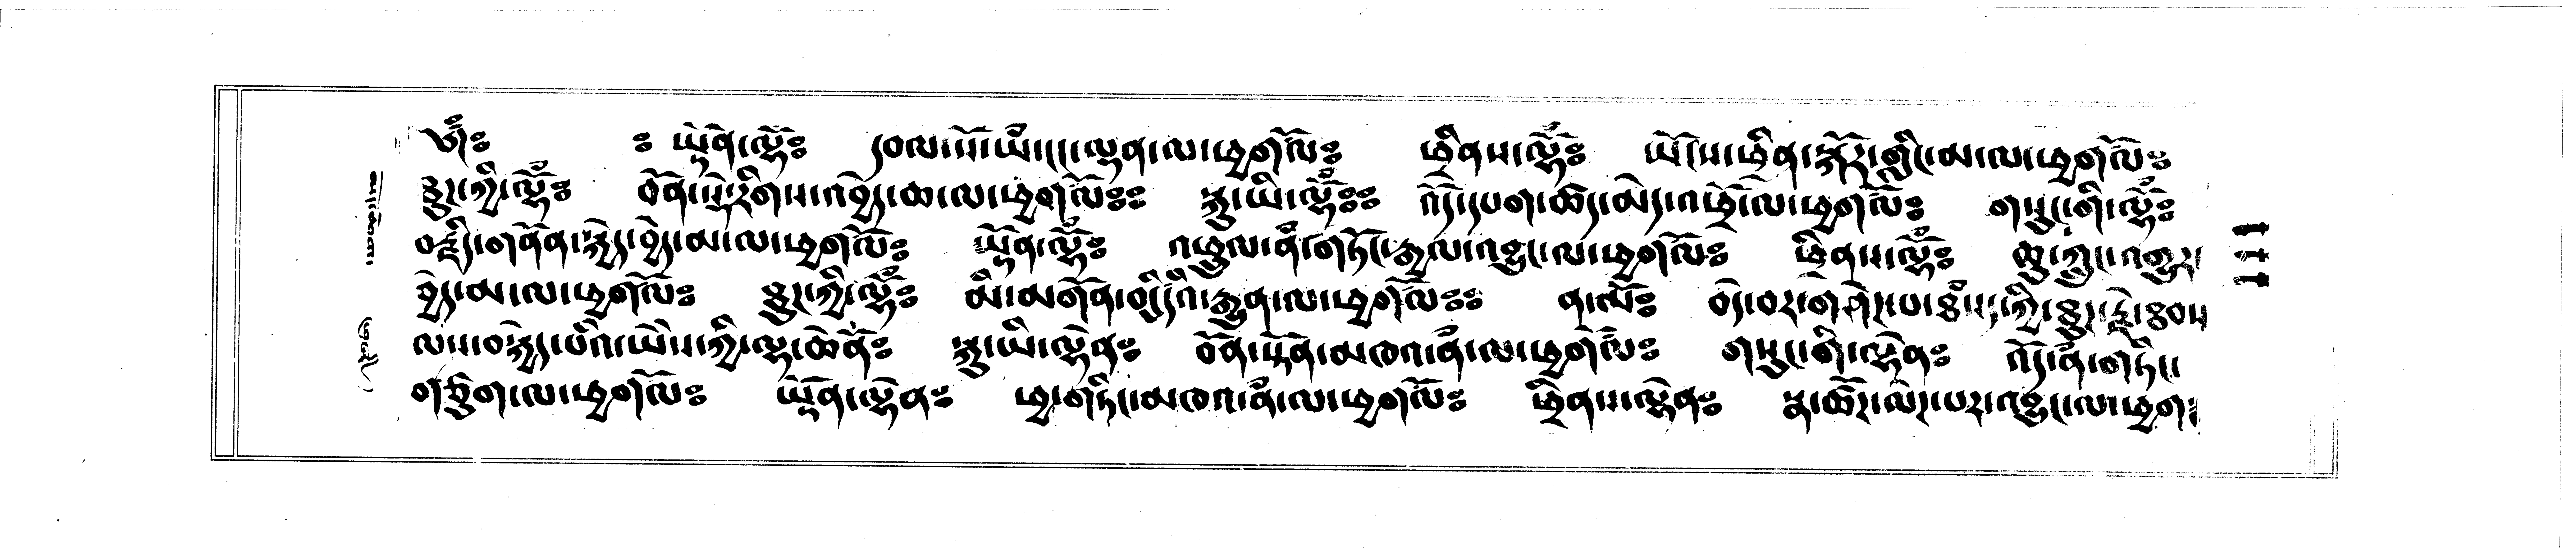ཡོན་ཏན་གྱི་ལྷ་མོཿ དབལ་སོ་ཡམ་ངང་ལྡན་ལ་ཕྱག་འཚལ་ལོཿ ཕྲིན་ལས་ཀྱི་ལྷ་མོཿ ཡོངས་ཕྲིན་སྐོར་གླིང་མ་ལ་ཕྱག་འཚལ་ལོཿ 
ཐུགས་ཀྱི་ལྷ་མོཿ བོན་སྡེ་རིགས་འབྱེད་ཆ་ལ་ཕྱག་འཚལ་ལོཿ སྐུ་ཡི་ལྷ་མོཿ འོད་དཔག་ཚད་མེད་འཕྲོ་ལ་ཕྱག་འཚལ་ལོཿ གསུང་གི་ལྷ་མོཿ 
བརྗིད་གནོན་སྐྱེད་བྱེད་མ་ལ་ཕྱག་འཚལ་ལོཿ ཡོན་ཏན་གྱི་ལྷ་མོཿ འཕྲུལ་ནམ་གཏོ་རྒྱལ་འབྱུང་ལ་ཕྱག་འཚལ་ལོཿ ཕྲིན་ལས་ཀྱི་ལྷ་མོཿ ཆུ་ཀླུང་འགྱུར་
བྱེད་མ་ལ་ཕྱག་འཚལ་ལོཿ ཐུགས་ཀྱི་ལྷ་མོཿ མི་མགོན་བདུད་རྩིའི་རྒྱུན་ལ་ཕྱག་འཚལ་ལོཿ ན་མོ་བདེ་བར་གཤེགས་པ་ཐམས་ཅད་ཀྱི་ཐུགས་རྗེ་
ལས་བསྐྱེད་པའི་ཡེ་ཤེས་ཀྱི་ལྷ་ཆེན་པོཿ སྐུ་ཡི་ལྷ་ཆེནཿ བོན་སྟོན་མཁའ་ནམ་ལ་ཕྱག་འཚལ་ལོཿ གསུང་གི་ལྷ་ཆེནཿ འོད་ནམ་ཏིང་
ཙུག་ལ་ཕྱག་འཚལ་ལོཿ ཡོན་ཏན་གྱི་ལྷ་ཆེནཿ ཕྱ་གཏིང་མཁའ་ནམ་ལ་ཕྱག་འཚལ་ལོཿ ཕྲིན་ལས་ཀྱི་ལྷ་ཆེནཿ སྣ་ཚོགས་ལེགས་པར་འབྱུང་ལ་ཕྱག་འཚལ་ལོཿ